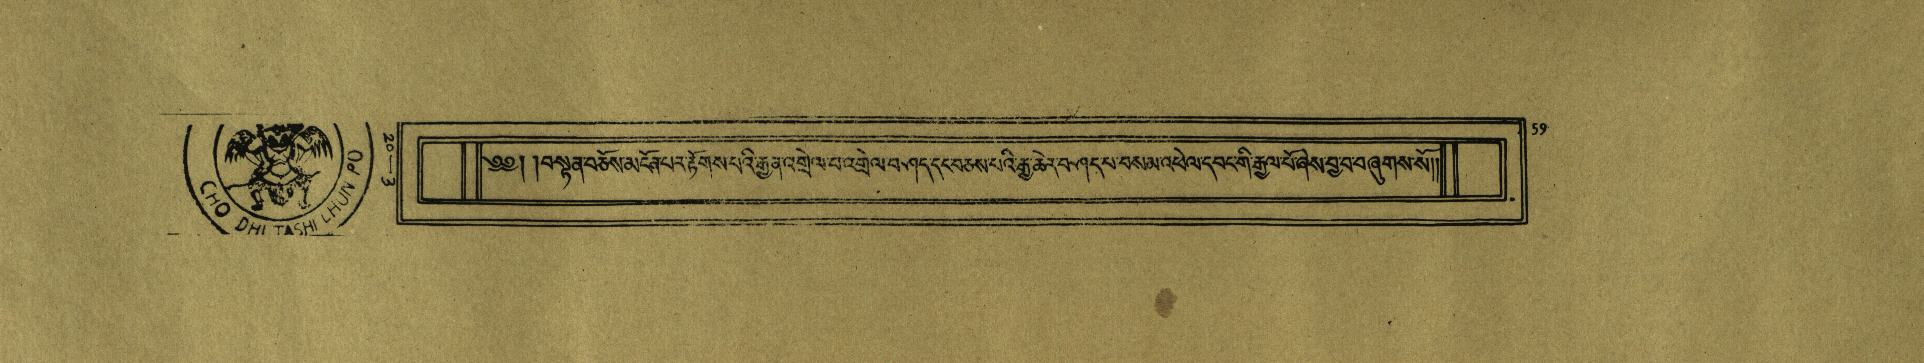༄༅། །བསྟན་བཅོས་མངོན་པར་རྟོགས་པའི་རྒྱན་འགྲེལ་བ་འགྲེལ་བཤད་དང་བཅས་པའི་རྒྱ་ཆེར་བཤད་པ་བསམ་འཕེལ་དབང་གི་རྒྱལ་པོ་ཞེས་བྱ་བ་བཞུགས་སོ།།